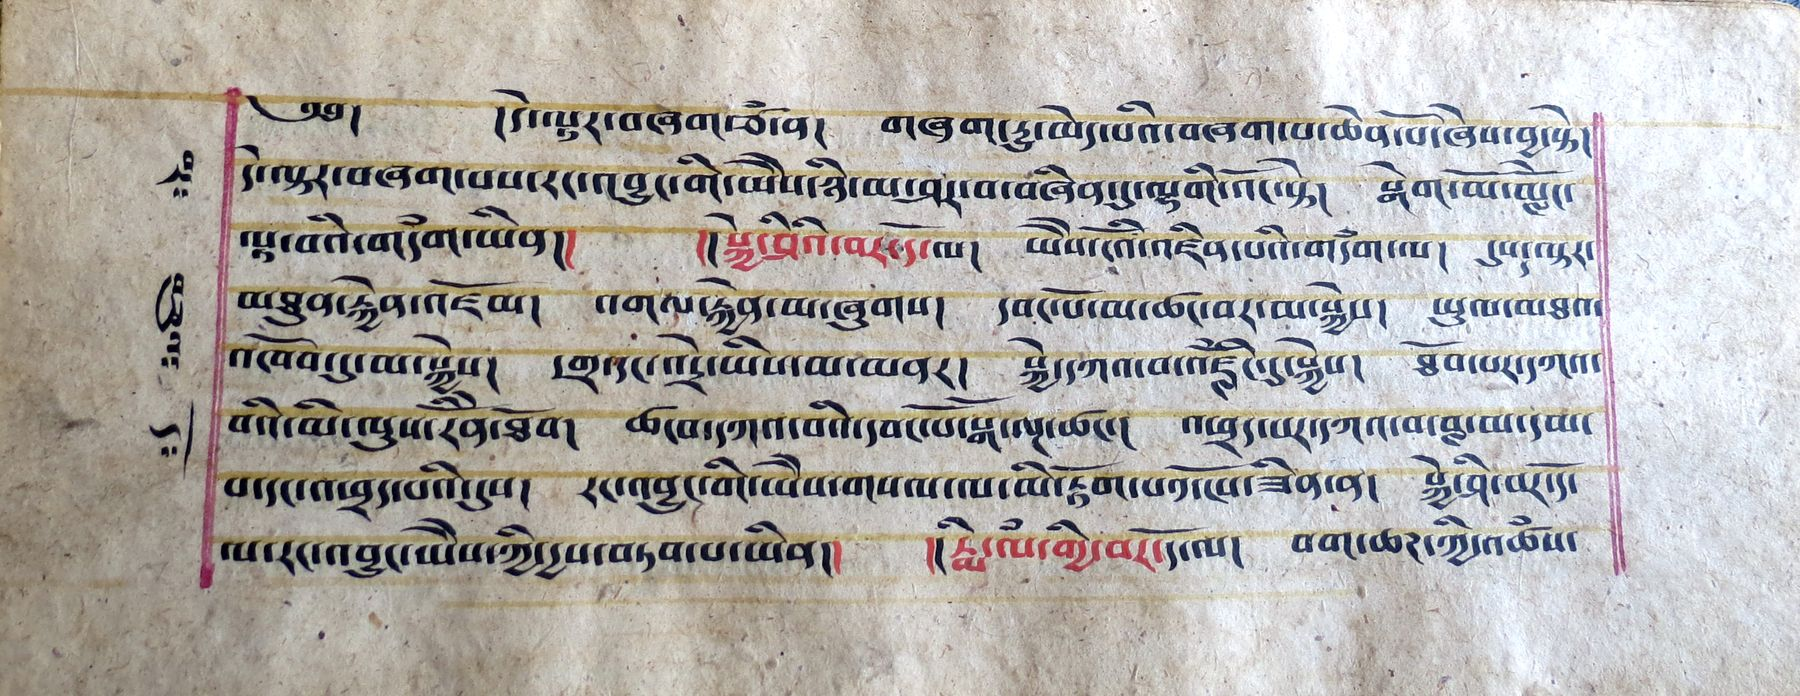ངའི་སྟར་བཞག་ཙ་ན། གཞག་རྒྱུ་མེད་པའི་བཞག་པ་ཆེན་པོ་ཞེས་བྱ་སྟེ། 
དེ་ལྟར་བཞག་པས་རང་འབྱུང་གི་ཡེ་ཤེས་ཉི་མ་ཤར་བ་བཞིན་དུ་ལྷག་གིས་འོང་སྟེ། སྒེག་མོ་མེ་ལོང་
ལྟ་བའི་གདམས་ངག་ཡིན། སྐྱེ་ཤིའི་བར་དོ་ལ། ཡེ་ཤེས་ངོ་ཡིས་འཛིན་པའི་གདམས་ངག་ལ། དུས་ད་ལྟར་
མཐུན་རྐྱེན་འཛོམས། འགལ་རྐྱེན་མ་ཞུགས། དབང་པོ་མ་ཚང་བར་མ་སྐྱེས། ཡུལ་མཐའ་
འཁོབ་ཏུ་མ་སྐྱེས། དགྲ་དང་འདྲེ་ཡིས་མ་མནར། སྐྱེ་དཀའ་བ་འཛམ་གླིང་དུ་སྐྱེས། ཐོབ་པར་དཀའ་
བའི་མི་ལུས་རིན་པོ་ཆེ་ཐོབ། ཚངས་དཀའ་བའི་དབང་པོ་སྒོ་ལྔ་ཚང་། འཕྲད་པར་དཀའ་བ་བླ་མ་དམ་
པ་དང་འཕྲད་པའི་དུས། རང་འབྱུང་གི་ཡེ་ཤེས་གསལ་ལ་མི་རྟོག་པ་ཅིག་ངོས་ཟིན་ན། སྐྱེ་ཤི་བར་དོ་
ལ་རང་འབྱུང་ཡེ་ཤེས་ཀྱི་རྒྱས་གདབ་པ་ཡིན། རྨི་ལམ་གྱི་བར་དོ་ལ། བག་ཆགས་ཀྱི་མཚམས་